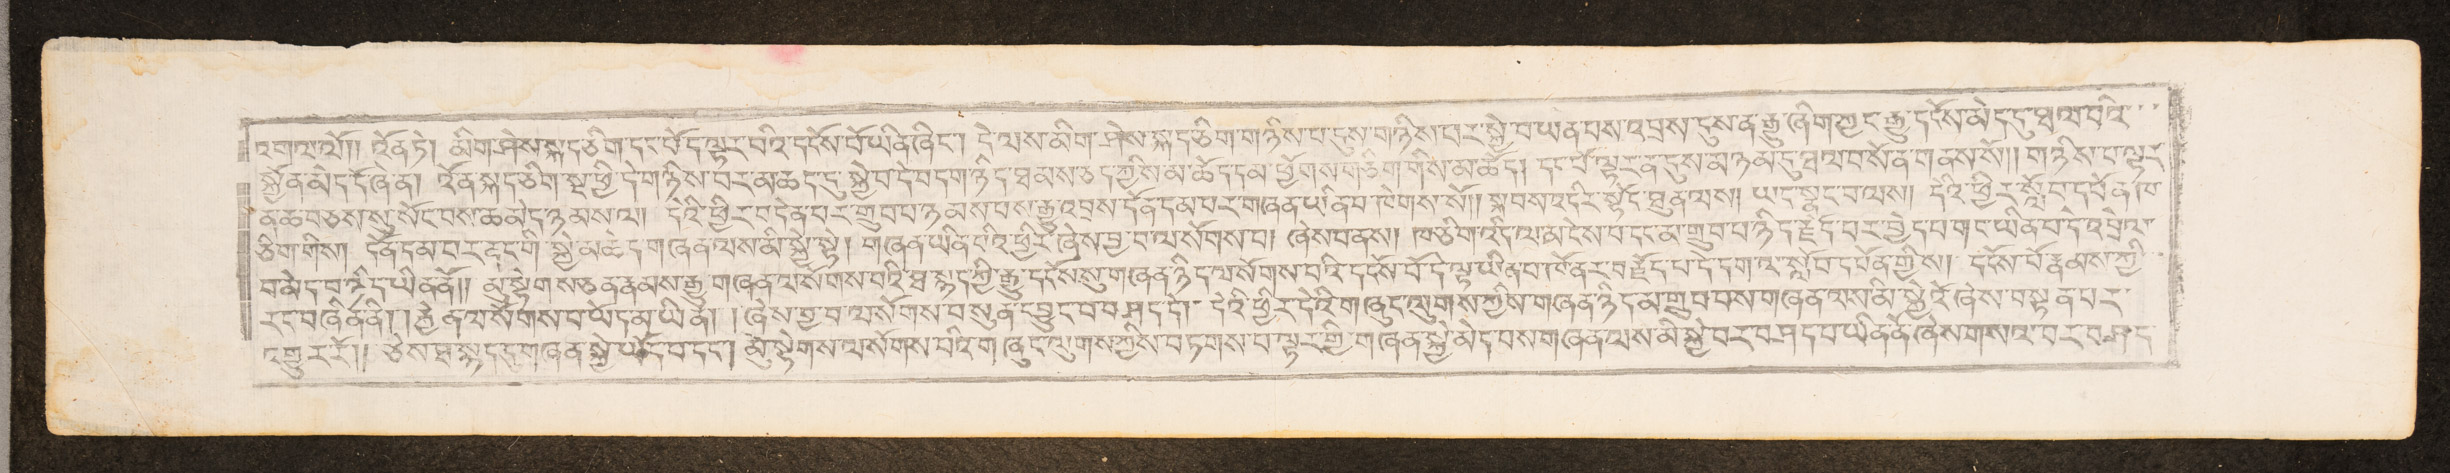འགལ་ལོ།། འོན་ཏེ། མིག་ཤེས་སྐད་ཅིག་དང་པོ་ད་ལྟར་བའི་དངོས་པོ་ཡིན་ཞིང་། དེ་ལས་མིག་ཤེས་སྐད་ཅིག་གཉིས་པར་སྐྱེ་བ་ཡིན་པས་འབྲས་དུས་ན་རྒྱུ་ཞིག་ཀྱང་རྒྱུ་དངོས་མེད་དུ་ཐལ་བའི་
སྐྱོན་མེད་དོ་ཞེ་ན། འོ་ན་སྐད་ཅིག་སྔ་ཕྱི་དེ་གཉིས་བར་མ་ཆད་དུ་སྐྱེ་བ་དེ་བདག་ཉིད་ཐམས་ཅད་ཀྱིས་མ་ཆོད་དམ་ཕྱོགས་གཅིག་གིས་མཆོད། དང་པོ་ལྟར་ན་དུས་མཉམ་དུ་ཐལ་བ་སོ་ན་གནས་སོ།། གཉིས་པ་ལྟར་
ན་ཆ་བཅས་སུ་སོང་བས་ཆ་མེད་ཉམས་ལ། དེའི་ཕྱིར་བདེན་པར་གྲུབ་པ་ཉམས་པས་རྒྱུ་འབྲས་དོན་དམ་པར་གཞན་ཡིན་པ་ཁེགས་སོ།། སྐབས་འདིར་སྟོང་ཐུན་ལས། ཡང་སྣང་བ་ལས། དེའི་ཕྱིར་སློབ་དཔོན་ཁ་
ཅིག་གིས། དོན་དམ་པར་ནང་གི་སྐྱེ་མཆེད་གཞན་ལས་མི་སྐྱེ་སྟེ། གཞན་ཡིན་པའི་ཕྱིར་ཞེས་བྱ་བ་ལ་སོགས་པ། ཞེས་པ་ནས། ཁ་ཅིག་འདི་ལ་མ་ངེས་པ་དང་མ་གྲུབ་པ་ཉིད་རྗོད་པར་བྱེད་པ་གང་ཡིན་པ་དེ་འབྲེལ་
བ་མེད་པ་ཉིད་ཡིན་ནོ།། མུ་སྟེགས་ཅན་རྣམས་རྒྱུ་གཞན་ལ་སོགས་པའི་ཐ་སྙད་ཀྱི་རྒྱུ་དངོས་སུ་གཞན་ཉིད་ལ་སོགས་པའི་དངོས་པོ་དེ་ལྟ་ཡིན་པ་ཁོ་ནར་བརྗོད་པ་དེ་དག་ལ་སློབ་དཔོན་གྱིས། དངོས་པོ་རྣམས་ཀྱི་
རང་བཞིན་ནི། །རྐྱེན་ལ་སོགས་པ་ཡོད་མ་ཡིན། །ཞེས་བྱ་བ་ལ་སོགས་པ་སུན་འབྱུང་བ་བཤད་དེ། དེའི་ཕྱིར་དེའི་གཞུང་ལུགས་ཀྱིས་གཞན་ཉིད་མ་གྲུབ་པས་གཞན་ལས་མི་སྐྱེའོ་ཞེས་བསྟན་པར་
འགྱུར་རོ།། ཅེས་ཐ་སྙད་དུ་གཞན་སྐྱེ་ཡོད་པ་དང་། མུ་སྟེགས་ལ་སོགས་པའི་གཞུང་ལུགས་ཀྱིས་བཏགས་པ་ལྟར་གྱི་གཞན་སྐྱེ་མེད་པས་གཞན་ལས་མི་སྐྱེ་བར་བཤད་པ་ཡིན་ནོ་ཞེས་གསལ་བར་བཤད་